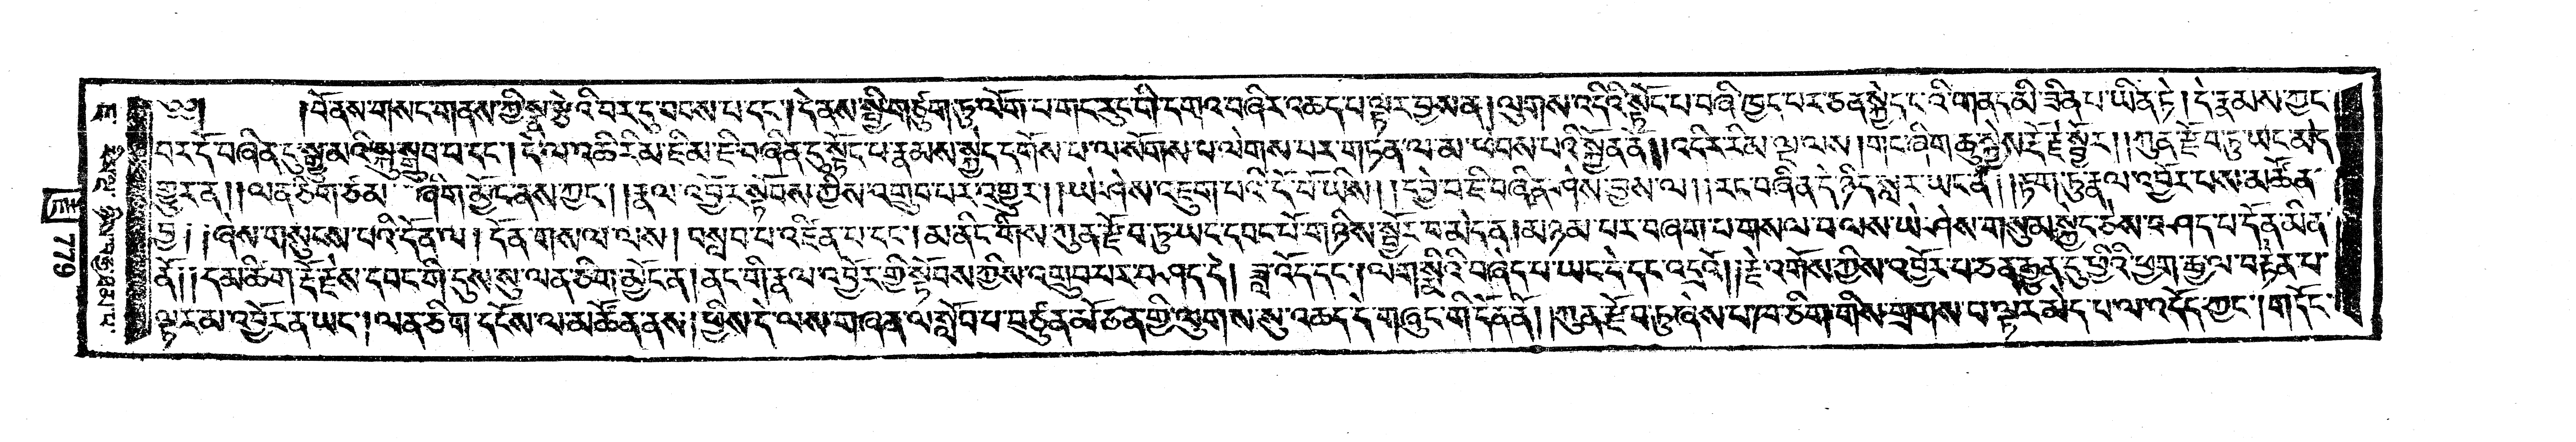༄༅། །བོ་ནས་གསང་གནས་ཀྱི་སྣ་རྩེའི་བར་དུ་བབས་པ་དང་། དེ་ནས་སྤྱི་གཙུག་ཏུ་ལོག་པ་གང་རུང་གི་དགའ་བཞིར་འཆད་པ་ལྟར་བྱས་ན། ལུགས་འདིའི་སྟོང་པ་བཞི་ཁྱད་པར་ཅན་སྐྱེད་པའི་གནད་མི་ཟིན་པ་ཡིན་ཏེ། དེ་རྣམས་ཀྱང་
བར་དོ་བཞིན་དུ་སྒྱུ་མའི་སྐུ་སྒྲུབ་པ་དང་། དེ་ལ་འཆི་རིམ་ཇི་མ་ཇི་བཞིན་དུ་སྟོང་པ་རྣམས་སྐྱེད་དགོས་པ་ལ་སོགས་པ་ལེགས་པར་གཏན་ལ་མ་ཕེབས་པའི་སྐྱོན་ནོ། །འདིར་རིམ་ལྔ་ལས། གང་ཞིག་ཆུ་སྐྱེས་རྡོ་རྗེ་སྦྱོར། །ཀུན་རྫོབ་ཏུ་ཡང་མེད་
གྱུར་ན། །ལན་ཅིག་ཙམ་ཞིག་མྱོང་ནས་ཀྱང་། །རྣལ་འབྱོར་སྟོབས་ཀྱིས་འགྲུབ་པར་འགྱུར། །ཡེ་ཤེས་འཇུག་པའི་ངོ་བོ་ཡིས། །དབྱེ་བ་ཇི་བཞིན་ཤེས་བྱས་ལ། །རང་བཞིན་དེ་ཉིད་སླར་ཡང་ནི། །རྟག་ཏུ་རྣལ་འབྱོར་པས་མཚོན་
བྱ༑ ༑ཞེས་གསུངས་པའི་དོན་ལ། དོན་གསལ་ལས། བསླབ་པ་འཛིན་པ་དང་། མ་ནིང་གིས་ཀུན་རྫོབ་ཏུ་ཡང་དབང་པོ་གཉིས་སྦྱོར་བ་མེད་ན། མཉམ་པར་བཞག་པ་གསལ་བ་ལས་ཡེ་ཤེས་གསུམ་སྐྱེད་ཅེས་བཤད་པ་དོན་མིན་
ནོ༑ ༑དམ་ཚིག་རྡོ་རྗེས་དབང་གི་དུས་སླུ་ལན་ཅིག་མྱོང་ན། ནང་གི་རྣལ་འབྱོར་གྱི་སྟོབས་ཀྱིས་འགྲུབ་པར་བཤད་དེ། ཟླ་འོད་དང་། ལག་སྨིའི་བཞེད་པ་ཡང་དེ་དང་འདྲའོ། །རྗེ་འགོས་ཀྱིས་འབྱོར་པ་ཅན་རྒྱུན་དུ་ཕྱིའི་ཕྱག་རྒྱ་ལ་བརྟེན་པ་
ལྟར་མ་འབྱོར་ན་ཡང་། ལན་ཅིག་དངོས་ལ་མཚོན་ནས། ཕྱིས་དེ་ལས་གཞན་ལ་སློབ་པ་བཙུན་མོ་ཅན་གྱི་ལུགས་སུ་འཆད་དེ་གཞུང་གི་དོན་ནོ། །ཀུན་རྫོབ་ཏུ་ཞེས་པ་ཁ་ཅིག་གིས་གྲགས་པ་ལྟར་མེད་པ་ལ་འདོད་ཀྱང་། གདོང་